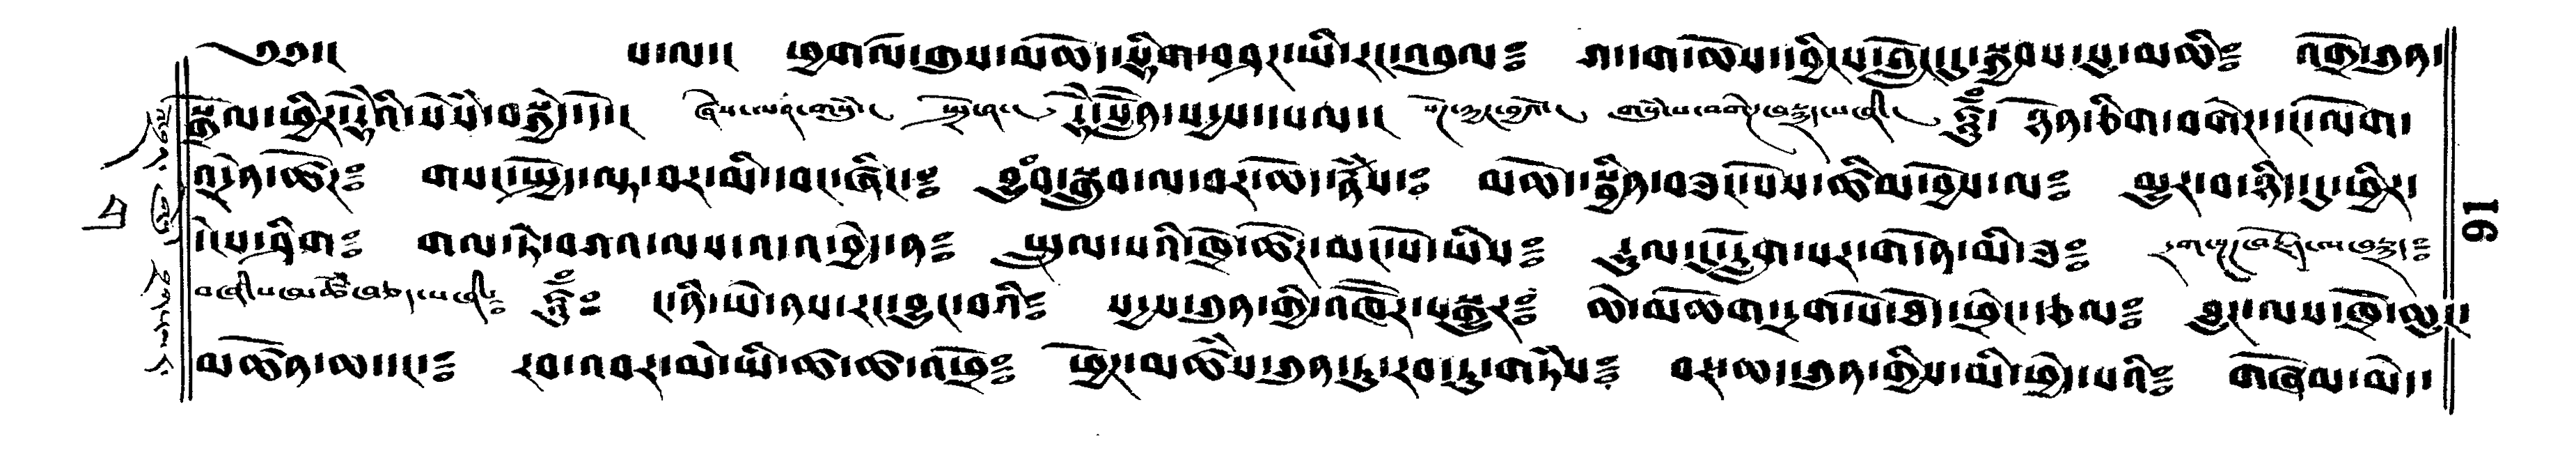པ་ལ༔ ཕྱག་འཚལ་གུས་མཆོད་སྡིག་བཤགས་ཡི་རང་འབུལ༔ ཀ་དག་ཆོས་དབྱིངས་ཀློང་དུ་སྐྱབས་སུ་མཆི༔ འགྲོ་ཀུན་
སྒྲོལ་ཕྱིར་རྡོ་རྗེའི་སེམས་བསྐྱེད་དོ༔ ཞེས་ལན་གསུམ། སྤྲོ་ན། རྡོ་རྗེ་སློབ་དཔོན་སངས་རྒྱས་དཔལ༔ སོགས་ཀྱང་བྱའོ། གསུམ་པ་བགེགས་སྐྲོད་པ་ནི། ཧཱུྃ༔ ཉོན་གཅིག་བགེགས་དང་ལོག་
འདྲེན་ཚོགས༔ གསང་སྤྱོད་ལྟ་བར་མི་དབང་ཞིང༔ བྱང་ཆུབ་སྒྲུབ་ལ་བར་གཅོད་རྣམསཿ མཆོད་སྦྱིན་བཟང་པོས་ཚིམ་བྱོས་ལ༔ མྱུར་བ་ཉིད་དུ་ཕྱིར་
དེངས་ཤིག༔ གལ་ཏེ་བཀའ་ལས་འདའ་བྱེད་ན༔ སྤྲུལ་པའི་ཁྲོ་ཚོགས་མང་པོ་ཡིས༔ རྡུལ་དུ་རློག་པར་གདོན་མི་ཟ༔ དྲག་སྔགས་བརྗོད་ལ་བསྐྲད། 
བཞི་པ་མཚམས་གཅོད་པ་ནི༔ ཧཱུྃ༔ ང་ནི་ཡེ་ནས་རང་བྱུང་བའི༔ སངས་རྒྱས་ཀུན་གྱི་འཁོར་ལོས་སྒྱུར༔ ཆེ་མཆོག་དྲག་པོ་ཐོད་ཕྲེང་རྩལ༔ ཐུགས་ལས་ཁྲོ་ཆུང་
མཚོན་ཆ་དང༔ རབ་འབར་མེ་ཡི་ཚ་ཚ་འཕྲོ༔ ཕྱོགས་མཚམས་ཀུན་ཏུ་རབ་ཏུ་གཏམས༔ བར་ཆད་ཀུན་གྱིས་མི་ཕྱེད་པའི༔ གཞོམ་མེད་